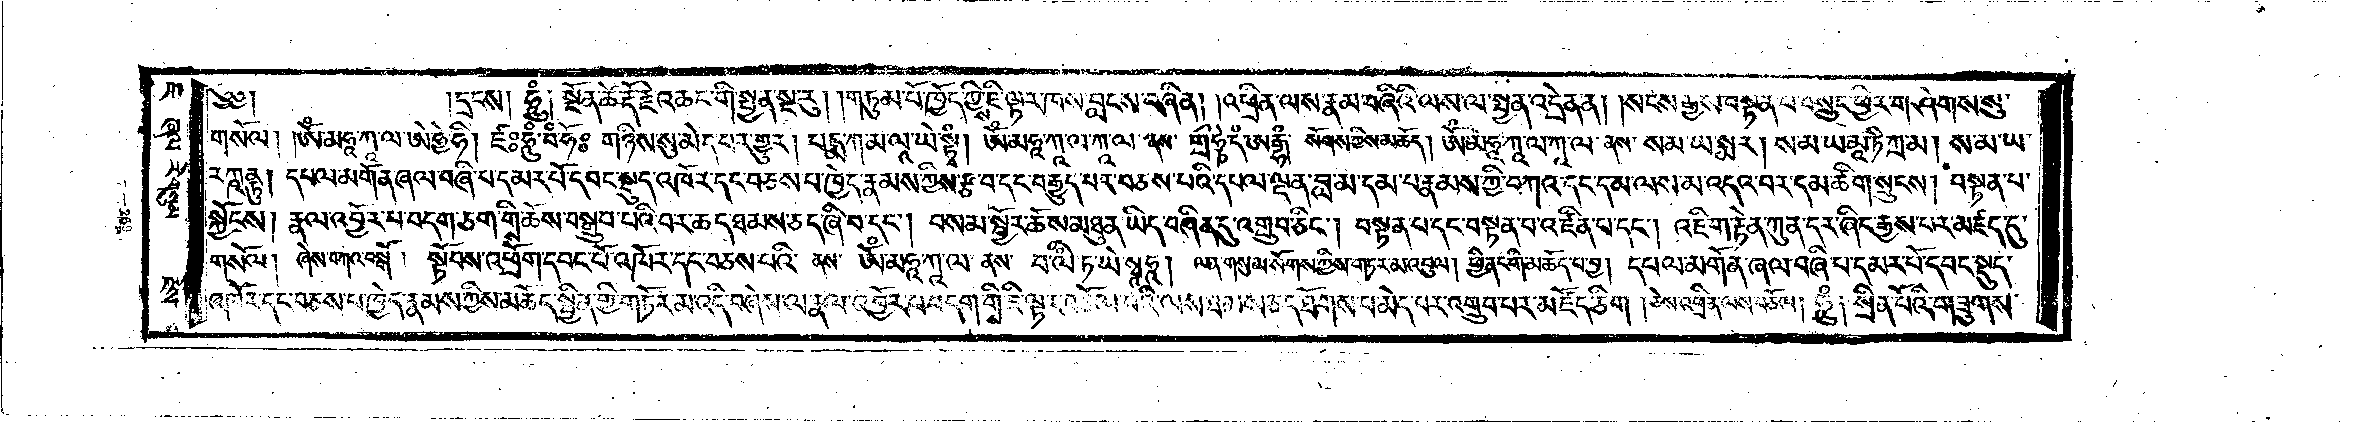༄༅། །དྲངས། ཧཱུཾ། སྔོན་ཚེ་རྡོ་རྗེ་འཆང་གི་སྤྱན་སྔ་རུ། །གཏུམ་པོ་ཁྱོད་ཀྱིས་ཇི་ལྟར་ཁས་བླངས་བཞིན། །འཕྲིན་ལས་རྣམ་བཞིའི་ལས་ལ་སྤྱན་འདྲེན་ན། །སངས་རྒྱས་བསྟན་པ་བསྲུང་ཕྱིར་གཤེགས་སུ་
གསོལ། །ཨོཾ་མཧཱ་ཀཱ་ལ་ཨེ་ཧྱེ་ཧི། ཛཿ ཧཱུཾ་བཾ་ཧོཿ གཉིས་སུ་མེད་པར་གྱུར། པདམ་ཀ་མ་ལཱ་ཡེ་སྟྭཾ། ཨོཾ་མཧཱ་ཀཱ་ལ་ཀཱ་ལ་ནས་གྲྀཧྞེ་དཾ་ཨརྒྷཾ་སོགས་ཀྱིས་མཆོད། ཨོཾ་མཧཱ་ཀཱ་ལ་ཀཱ་ལ་ནས་ས་མ་སྨ་ར། ས་མ་ཡ་མཱ་ཏི་ཀྲ་མ། ས་མ་ཡ་
རཀྵྣྟུ། དཔལ་མགོན་ཞལ་བཞི་བ་དམར་པོ་དབང་སྡུད་འཁོར་དང་བཅས་པ་ཁྱེད་རྣམས་ཀྱིས་རྩ་བ་དང་བརྒྱུད་པ་བཅས་པའི་དཔལ་ལྡན་བླ་མ་དམ་པ་རྣམས་ཀྱི་བཀའ་དང་དམ་ལས་མ་འདའ་བར་དམ་ཚིག་སྲུངས། བསྟན་པ་
སྐྱོངས། རྣལ་འབྱོར་བ་བདག་ཅག་གི་ཆོས་བསྒྲུབ་པའི་བར་ཆད་ཐམས་ཅད་ཞི་བ་དང་། བསམ་སྦྱོར་ཆོས་མཐུན་ཡིད་བཞིན་དུ་འགྲུབ་ཅིང་། བསྟན་བ་དང་བསྟན་པ་འཛིན་པ་དང་། འཇིག་རྟེན་ཀུན་དར་ཞིང་རྒྱས་པར་མཛད་དུ་
གསོལ། ཞེས་བཀའ་བསྒོ། སྟོབས་འཕྲོག་དབང་པོ་འཁོར་དང་བཅས་པའི་ནས་ཨོཾ་མཧཱ་ཀཱ་ལ་ཀཱ་ལ་ནས་བ་ལིཾ་ཏ་ཡེ་སྭཱཧཱ། ལན་གསུམ་སོགས་ཀྱིས་གཏོར་མ་འབུལ། ཕྱི་ནང་གི་མཆོད་པ་བྱ།  དཔལ་མགོན་ཞལ་བཞི་པ་དམར་པོ་དབང་སྡུད་
འཁོར་དང་བཅས་པ་ཁྱེད་རྣམས་ཀྱིས་མཆོད་སྦྱིན་གྱི་གཏོར་མ་འདི་བཞེས་ལ་རྣལ་འབྱོར་པ་བདག་གིས་ཇི་ལྟར་བཅོལ་བའི་ལས་ཐམས་ཅད་ཐོགས་པ་མེད་པར་འགྲུབ་པར་མཛོད་ཅིག་།ཅེས་འཕྲིན་ལས་བཅོལ།  ཧཱུཾ། སྲིན་པོའི་གཟུགས་